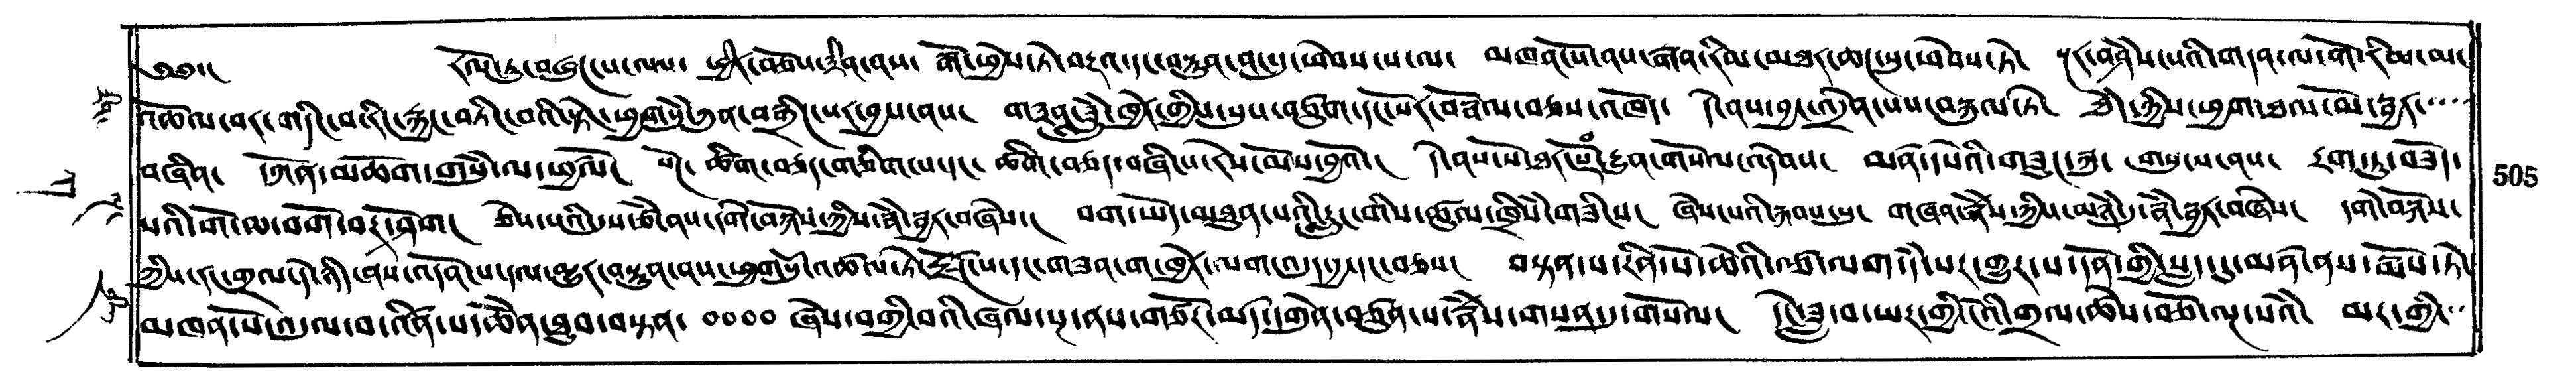རོལ་ཏུ་བཞུགས་པ་ལས། ཕྱིར་བཅོས་ཟིན་ནས། སྒོ་ཕྱེས་ཏེ་བརྡའ་དང་བསྟུན་ནང་དུ་ཕེབས་པ་ལ། མཁན་པོ་ནས་རྒན་རིམ་མཐར་ཆགས་སུ་ཕེབས་ཏེ། སྔར་བཤམས་པའི་གདན་ལ་གོ་རིམ་མ་
འཆོལ་བར་གདིང་བ་རིང་རྐྱང་བཏིང་བའི་སྟེང་ཕྱག་གསུམ་ཀུན་བསྒྲིགས་པར་བྱས་ནས།གཟན་ཟླུམ་ཁྱེར་གྱིས་པུས་བཙུགས་དང་སོར་བསྣོལ་བཅས་འཁོད། དེ་ནས་བྱང་འདྲེན་པས་བསྐུལ་ཏེ། ཐམས་ཅད་ཀྱིས་ཕྱག་ཐལ་མོ་སྦྱར་
བཞིན། དཀོན་མཆོག་གསུམ་ལ་ཕྱག་འཚལ་ལོ།། སོགས་ཚིགས་བཅད་གཅིག་པ་དང་། ཚིགས་བཅད་བཞི་པ་རེས་མོས་བྱའོ།། དེ་ནས་སོ་ཐར་སྡོམ་རྒྱུན་གསོལ་འདེབས། མཚན་དཔེའི་གཟུགས་སྐུ༴ གསུངས་ནས། རྟག་ཏུ་བཟོད་
པའི་གོ་ཆ་བགོ་བར་ཤོག ། ཅེས་པའི་དུས་ཙམ་ནས་དགེ་སྐོས་ཀྱིས་སྣམ་སྦྱར་བཞེས། བག་ཡོད་མཐུན་པའི་རླུང་གིས་ཚུལ་ཁྲིམས་གཟིངས།། ཞེས་པའི་སྐབས་སུ། གཞན་རྣམས་ཀྱིས་མཉམ་དུ་སྣམ་སྦྱར་བཞེས། དགེ་སྐོས་
ཀྱིས་རང་གྲལ་དེ་ཉིད་ནས་འདོན་པ་དལ་མྱུར་བསྟུན་ནས་ཕྱག་གསུམ་འཚལ་ཏེ་རྫོགས་པ་དང་གཟན་གལ་ཁྱེར་རྐ་ལག་འདུད་རྒྱ་དང་བཅས། བསྟན་པ་རིན་པོ་ཆེའི་རྩ་ལག་དམ་པར་གྱུར་པ་དོན་གྱི་སླད་དུ་མཚན་ནས་སྨོས་ཏེ་
མཁན་པོ་འདུལ་བ་འཛིན་པ་ཆེན་པོ་ཐུབ་བསྟན། ཞེས་བགྱི་བའི་ཞལ་སྔ་ནས་གཙོར་མཛད་དགེ་འདུན་བཙུན་པ་རྣམས་གསན་དུ་གསཽལ། དེང་ཟླ་བ་ཡར་གྱི་ངོའི་གྲལ་ཚེས་བཅོ་ལྔ་པའམ། མར་གྱི་